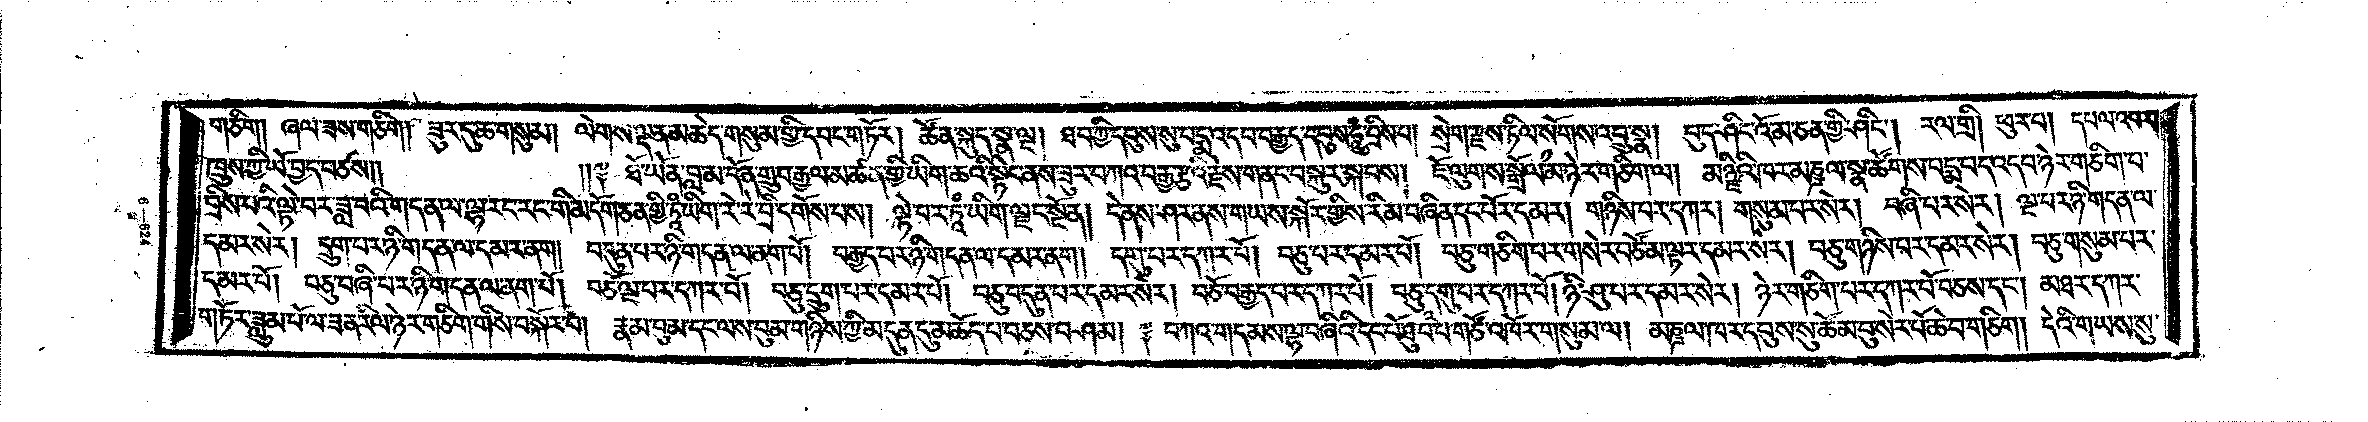གཅིག། ཞལ་ཟས་གཅིག། ཟུར་དུ་ཆ་གསུམ། ལེགས་ལྡན་མཆེད་གསུམ་གྱི་དབང་གཏོར། ཚོན་སྐུད་སྣ་ལྔ། ཐབ་ཀྱི་དབུས་སུ་པདམ་འདབ་བརྒྱད་དབུས་ཧཱུཾ་བྲིས་པ། སྲེག་རྫས་ཏིལ་སོགས་འབྲུ་སྣ། བུད་ཤིང་འོ་མ་ཅན་གྱི་ཤིང་། རལ་གྲི། ཕུར་བ། དཔལ་འབར།
ཁྲུས་ཀྱི་ཡོ་བྱད་བཙས།། །།༈ ཐོ་ཡོན་བླ་མ་དོན་གྲུབ་རྒྱལ་མཚན་གྱི་ཡིག་ཆའི་སྟེང་ནས་ཟུར་བཀའ་བརྒྱ་རྩའི་རྗེས་གནང་བསྐུར་སྐབས། ཇོ་ལུགས་སྒྲོལ་མ་ཉེར་གཅིག་ལ། མཉྫིའི་ཁར་མཎྜལ་སྣ་ཚོགས་པདམ་བད་འདབ་ཉེར་གཅིག་པ་
བྲིས་པའི་ལྟེ་བར་ཟླ་བའི་གདན་ལ་ལྷ་རང་རང་གི་མདོག་ཅན་གྱི་ཏཱཾ་ཡིག་རེ་རེ་བྲི་དགོས་པས། ལྟེ་བར་ཏཱཾ་ཡིག་ལྗང་སྔོན། དེ་ནས་ཤར་ནས་གཡས་སྐོར་གྱིས་རིམ་བཞིན་དང་པོར་དམར། གཉིས་པར་དཀར། གསུམ་པར་སེར། བཞི་པར་སེར། ལྔ་པར་ཉི་གདན་ལ་
དམར་སེར། དྲུག་པར་ཉི་གདན་ལ་དམར་ནག། བདུན་པར་ཉི་གདན་ལ་ནག་པོ། བརྒྱད་པར་ཉི་གདན་ལ་དམར་ནག། དགུ་པར་དཀར་པོ། བཅུ་པར་དམར་པོ། བཅུ་གཅིག་པར་གསེར་བཙོམ་ལྟར་དམར་སེར། བཅུ་གཉིས་པར་དམར་སེར། བཅུ་གསུམ་པར་
དམར་པོ། བཅུ་བཞི་པར་ཉི་གདན་ལ་ནག་པོ། བཅོ་ལྔ་པར་དཀར་པོ། བཅུ་དྲུག་པར་དམར་པོ། བཅུ་བདུན་པར་དམར་སེར། བཅོ་བརྒྱད་པར་དཀར་པོ། བཅུ་དགུ་པར་དཀར་པོ། ཉི་ཤུ་བར་དམར་སེར། ཉེར་གཅིག་པར་དཀར་པོ་བཅས་དང་། མཐར་དཀར་
གཏོར་ཟླུམ་པོ་ལ་ཟན་རིལ་ཉེར་གཅིག་གིས་བསྐོར་བ། རྣམ་བུམ་དང་ལས་བུམ་གཉིས་ཀྱི་མདུན་དུ་མཆོད་པ་བཅས་བཤམ། ༈ བཀའ་གདམས་ལྷ་བཞིའི་དང་པོ་ཐུབ་པ་གཙོ་འཁོར་གསུམ་ལ། མཎྜལ་ཁར་དབུས་སུ་ཚེམ་བུ་སེར་པོ་ཆེ་བ་གཅིག། དེའི་གཡས་སུ་